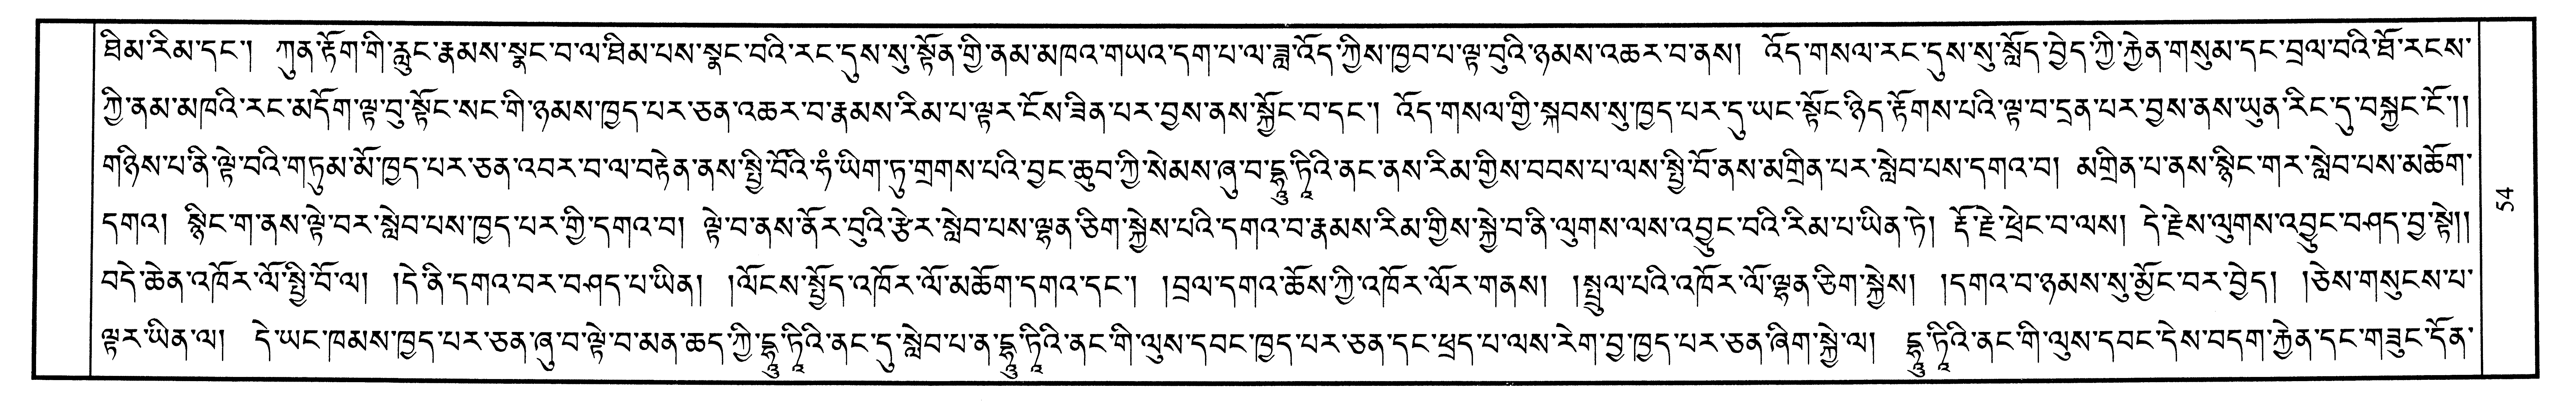ཐིམ་རིམ་དང་། ཀུན་རྟོག་གི་རླུང་རྣམས་སྣང་བ་ལ་ཐིམ་པས་སྣང་བའི་རང་དུས་སུ་སྟོན་གྱི་ནམ་མཁའ་གཡའ་དག་པ་ལ་ཟླ་འོད་ཀྱིས་ཁྱབ་པ་ལྟ་བུའི་ཉམས་འཆར་བ་ནས། འོད་གསལ་རང་དུས་སུ་སློད་བྱེད་ཀྱི་རྐྱེན་གསུམ་དང་བྲལ་བའི་ཐོ་རངས་
ཀྱི་ནམ་མཁའི་རང་མདོག་ལྟ་བུ་སྟོང་སང་གི་ཉམས་ཁྱད་པར་ཅན་འཆར་བ་རྣམས་རིམ་པ་ལྟར་ངོས་ཟིན་པར་བྱས་ནས་སྐྱོང་བ་དང་། འོད་གསལ་གྱི་སྐབས་སུ་ཁྱད་པར་དུ་ཡང་སྟོང་ཉིད་རྟོགས་པའི་ལྟ་བ་དྲན་པར་བྱས་ནས་ཡུན་རིང་དུ་བསྐྱང་ངོ།།
གཉིས་པ་ནི་ལྟེ་བའི་གཏུམ་མོ་ཁྱད་པར་ཅན་འབར་བ་ལ་བརྟེན་ནས་སྤྱི་བོའི་ཧཾ་ཡིག་ཏུ་གྲགས་པའི་བྱང་ཆུབ་ཀྱི་སེམས་ཞུ་བ་དྷཱུ་ཏཱིའི་ནང་ནས་རིམ་གྱིས་བབས་པ་ལས་སྤྱི་བོ་ནས་མགྲིན་པར་སླེབ་པས་དགའ་བ། མགྲིན་པ་ནས་སྙིང་གར་སླེབ་པས་མཆོག་
དགའ། སྙིང་ག་ནས་ལྟེ་བར་སླེབ་པས་ཁྱད་པར་གྱི་དགའ་བ། ལྟེ་བ་ནས་ནོར་བུའི་རྩེར་སླེབ་པས་ལྷན་ཅིག་སྐྱེས་པའི་དགའ་བ་རྣམས་རིམ་གྱིས་སྐྱེ་བ་ནི་ལུགས་ལས་འབྱུང་བའི་རིམ་པ་ཡིན་ཏེ། རྡོ་རྗེ་ཕྲེང་བ་ལས། དེ་རྗེས་ལུགས་འབྱུང་བཤད་བྱ་སྟེ།།
བདེ་ཆེན་འཁོར་ལོ་སྤྱི་བོ་ལ། །དེ་ནི་དགའ་བར་བཤད་པ་ཡིན། །ལོངས་སྤྱོད་འཁོར་ལོ་མཆོག་དགའ་དང་། །བྲལ་དགའ་ཆོས་ཀྱི་འཁོར་ལོར་གནས། །སྤྲུལ་པའི་འཁོར་ལོ་ལྷན་ཅིག་སྐྱེས། །དགའ་བ་ཉམས་སུ་མྱོང་བར་བྱེད། །ཅེས་གསུངས་པ་
ལྟར་ཡིན་ལ། དེ་ཡང་ཁམས་ཁྱད་པར་ཅན་ཞུ་བ་ལྟེ་བ་མན་ཆད་ཀྱི་དྷཱུ་ཏཱིའི་ནང་དུ་སླེབ་པ་ན་དྷཱུ་ཏཱིའི་ནང་གི་ལུས་དབང་ཁྱད་པར་ཅན་དང་ཕྲད་པ་ལས་རེག་བྱ་ཁྱད་པར་ཅན་ཞིག་སྐྱེ་ལ། དྷཱུ་ཏཱིའི་ནང་གི་ལུས་དབང་དེས་བདག་རྐྱེན་དང་གཟུང་དོན་